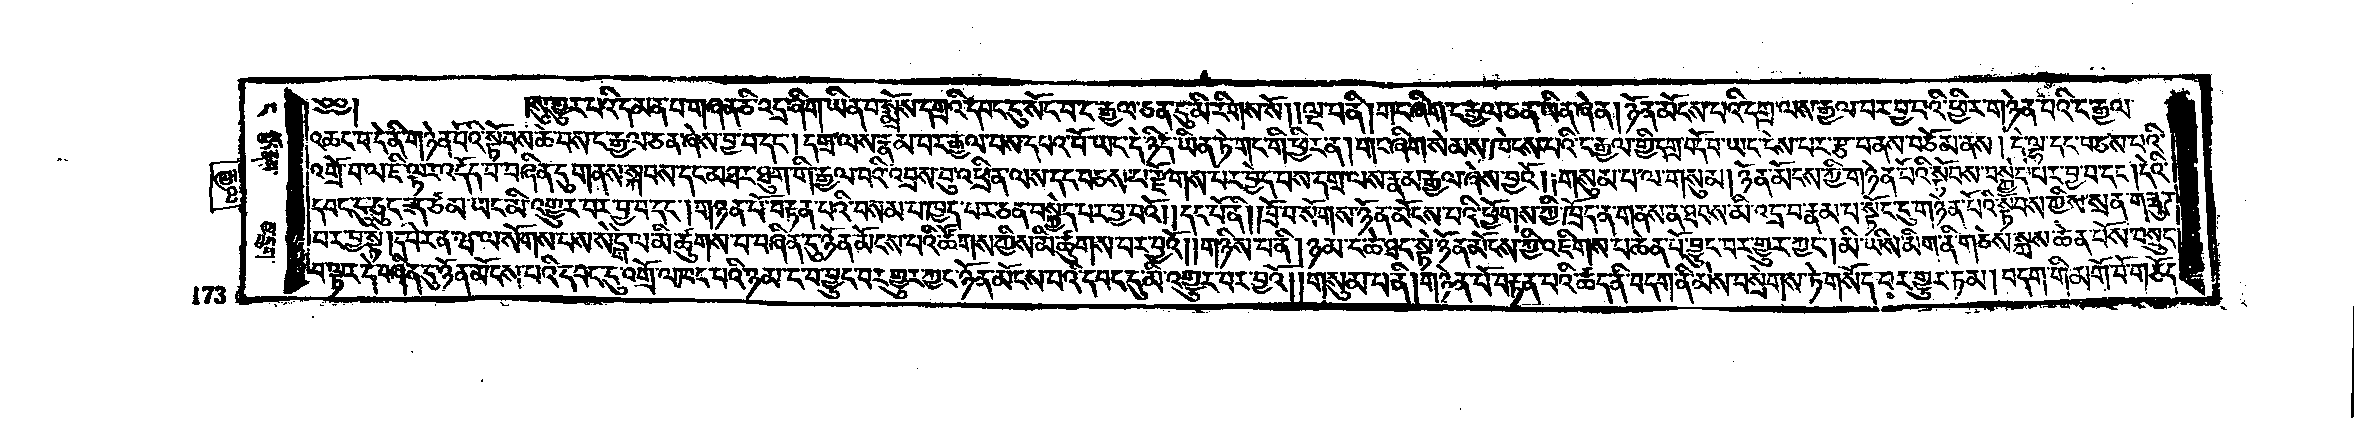༄༅། །སུ་གྱུར་པའི་དམན་པ་གཞན་ཅི་འདྲ་ཞིག་ཡིན་པ་སྨྲོས་དགྲའི་དབང་དུ་སོང་བ་ང་རྒྱལ་ཅན་དུ་མི་རིགས་སོ། །ལྔ་པ་ནི། གང་ཞིག་ང་རྒྱལ་ཅན་ཡིན་ཞེ་ན། ཉོན་མོངས་པའི་དགྲ་ལས་རྒྱལ་བར་བྱ་བའི་ཕྱིར་གཉེན་པའི་ང་རྒྱལ་
འཆང་བ་དེ་ནི་གཉེན་པོའི་སྟོབས་ཆེ་བས་ང་རྒྱལ་ཅན་ཞེས་བྱ་བ་དང་། དགྲ་ལས་རྣམ་པར་རྒྱལ་བས་དཔའ་བོ་ཡང་དེ་ཉིད་ཡིན་ཏེ་གང་གི་ཕྱིར་ན། གང་ཞིག་སེམས་ཁེངས་པའི་ང་རྒྱལ་གྱི་དགྲ་བདོ་བ་ཡང་ངེས་པར་རྩ་བ་ནས་བཅོམ་ནས། དེ་ལྷ་དང་བཅས་པའི་
འགྲོ་བ་ལ་ཇི་ལྟར་འདོད་པ་བཞིན་དུ་གནས་སྐབས་དང་མཐར་ཐུག་གི་རྒྱལ་བའི་འབྲས་བུ་འཕྲིན་ལས་དང་བཅས་པ་རྫོགས་པར་བྱེད་པས་དགྲ་ལས་རྣམ་རྒྱལ་ཞེས་བྱའོ། །གསུམ་པ་ལ་གསུམ། ཉོན་མོངས་ཀྱི་གཉེན་པོའི་སྟོབས་བསྐྱེད་པར་བྱ་བ་དང་། དེའི་
དབང་དུ་ཅུང་ཟད་ཙམ་ཡང་མི་འགྱུར་བར་བྱ་བ་དང་། གཉན་པོ་བརྟན་པའི་བསམ་པ་ཁྱད་པར་ཅན་བསྐྱེད་པར་བྱ་བའོ། །དང་པོ་ནི། ཁྲོ་བ་སོགས་ཉོན་མོངས་པའི་ཕྱོགས་ཀྱི་ཁྲོད་ན་གནས་ན་ཐབས་མི་འདྲ་བ་རྣམ་པ་སྟོང་དུ་གཉེན་པོའི་སྟོབས་ཀྱིས་སྲན་གཟུགས་
བར་བྱ་སྟེ། དཔེར་ན་ཝ་ལ་སོགས་པས་སེངགེ་ལ་མི་ཚུགས་པ་བཞིན་དུ་ཉོན་མོངས་པའི་ཚོགས་ཀྱིས་མི་ཚུགས་པར་བྱའོ། །གཉིས་པ་ནི། ཉམ་ང་ཆེ་ཐང་སྟེ་ཉོན་མོངས་ཀྱི་འཇིགས་པ་ཆེན་པོ་བྱུང་བར་གྱུར་ཀྱང་། མི་ཡིས་མིག་ནི་གཅེས་སྐྲས་ཆེན་པོས་བསྲུང་
བ་ལྟར་དེ་བཞིན་དུ་ཉོན་མོངས་པའི་དབང་དུ་འགྲོ་ལ་ཁང་པའི་ཉམ་ང་བ་བྱུང་བར་གྱུར་ཀྱང་ཉོན་མོངས་པའི་དབང་དུ་མི་འགྱུར་བར་བྱའོ། །གསུམ་པ་ནི། གཉེན་པོ་བརྟན་པའི་ཚད་ནི་བདག་ནི་སེམས་བསྲེགས་ཏེ་གསོད་པར་གྱུར་ཏམ། བདག་གི་མགོ་བོ་གཅོད་